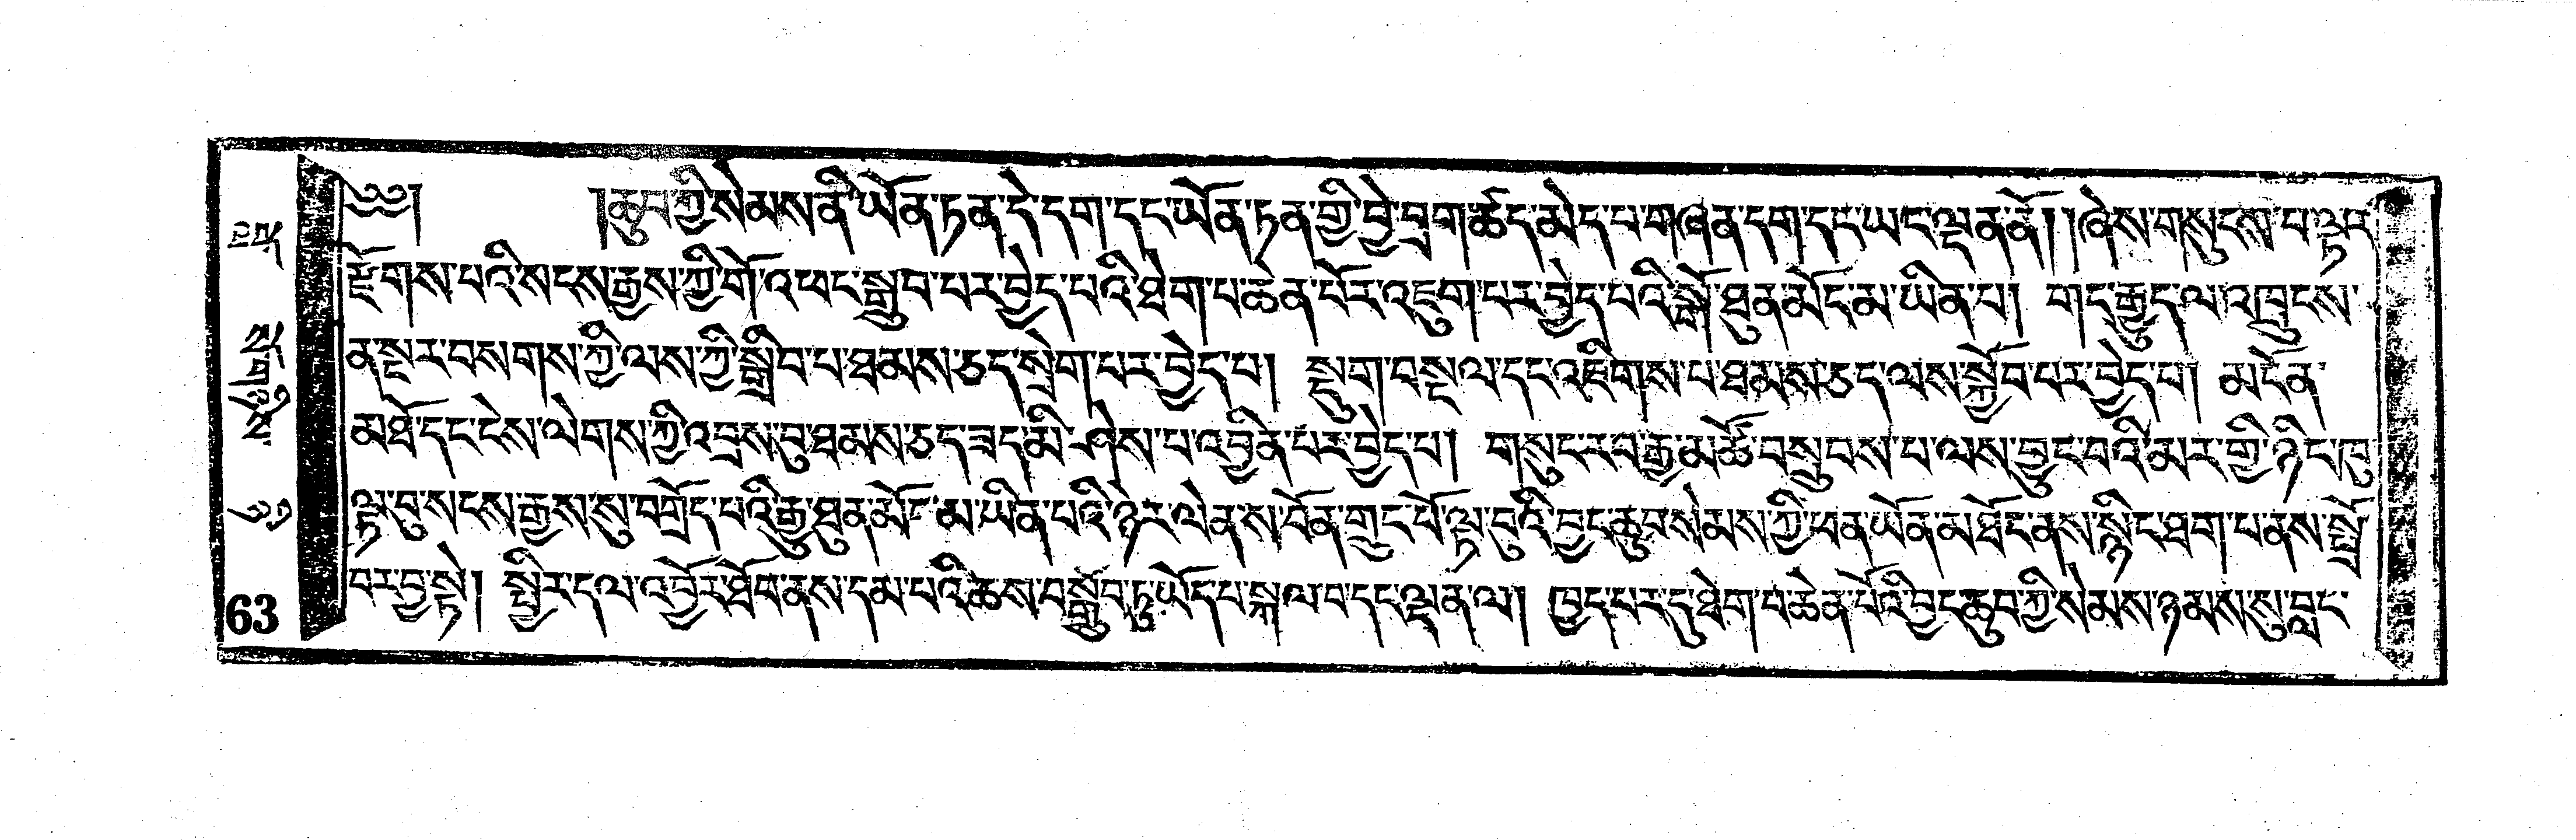༄༅། །ཆུབ་ཀྱི་སེམས་ནི་ཡོན་ཏན་དེ་དག་དང་ཡོན་ཏན་གྱི་བྱེ་བྲག་ཚད་མེད་པ་གཞན་དག་དང་ཡང་ལྡན་ནོ། །ཞེས་གསུངས་པ་ལྟར་
རྫོགས་པའི་སངས་རྒྱས་ཀྱི་གོ་འཕང་སྒྲུབ་པར་བྱེད་པའི་ཐེག་པ་ཆེན་པོར་འཇུག་པར་བྱེད་པའི་སྒོ་ཐུན་མོང་མ་ཡིན་པ། གང་རྒྱུད་ལ་འཁྲུངས་
ན་སྔར་བསགས་ཀྱི་ལས་ཀྱི་སྒྲིབ་པ་ཐམས་ཅད་སྲེག་པར་བྱེད་པ། སྡུག་བསྔལ་དང་འཇིགས་པ་ཐམས་ཅད་ལས་སྐྱོབ་པར་བྱེད་པ། མངོན་
མཐོ་དང་ངེས་ལེགས་ཀྱི་འབྲས་བུ་ཐམས་ཅད་ཟད་མི་ཤེས་པ་འབྱིན་པར་བྱེད་པ། གསུང་རབ་རྒྱ་མཚོ་བསྲུབས་པ་ལས་བྱུང་བའི་མར་གྱི་ཉིང་ཁུ་
ལྟ་བུ་སངས་རྒྱས་སུ་བགྲོད་པའི་རྒྱུ་ཐུན་མོང་མ་ཡིན་པའི་ཉེར་ལེན་ས་བོན་གྲུང་པོ་ལྟ་བུའི་བྱང་ཆུབ་སེམས་ཀྱི་ཕན་ཡོན་མཐོང་ནས་སྙིང་ཐག་པ་ནས་སྤྲོ་
བར་བྱ་སྟེ། སྤྱིར་དལ་འབྱོར་ཐོབ་ནས་དམ་པའི་ཆས་བསྒྲུབ་ཏུ་ཡོད་པ་སྐལ་བ་དང་ལྡན་ལ། ཁྱད་པར་དུ་ཐེག་པ་ཆེན་པོའི་བྱང་ཆུབ་ཀྱི་སེམས་ཉམས་སུ་བླང་